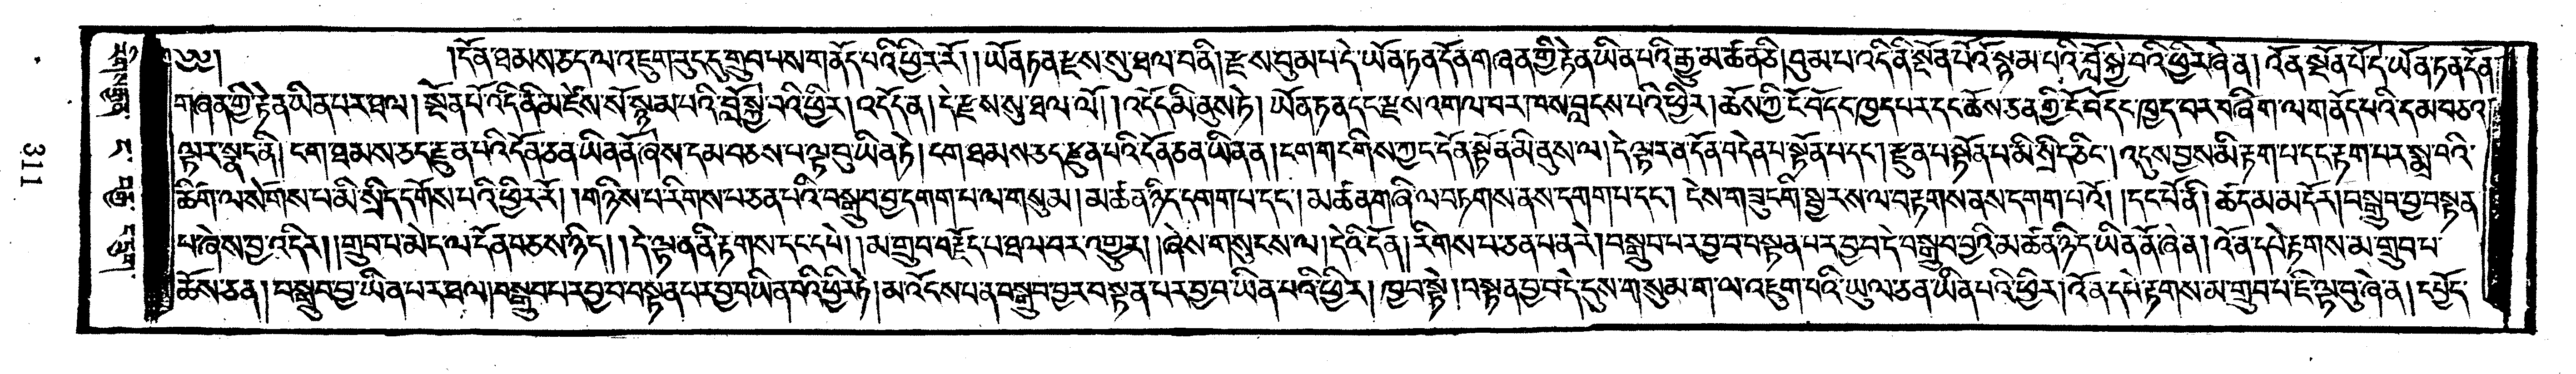༄༅། །དོན་ཐམས་ཅད་ལ་འཇུག་རུང་དུ་གྲུབ་པས་གནོད་པའི་ཕྱིར་རོ། །ཡོན་ཏན་རྫས་སུ་ཐལ་བ་ནི། རྫས་བུམ་པ་དེ་ཡོན་ཏན་དོན་གཞན་གྱི་རྟེན་ཡིན་པའི་རྒྱུ་མཚན་ཅི། བུམ་པ་འདི་ནི་སྔོན་པོའོ་སྙམ་པའི་བློ་སྐྱེ་བའི་ཕྱིར་ཞེ་ན། འོ་ན་སྔོན་པོ་དེ་ཡོན་ཏན་དོན་
གཞན་གྱི་རྟེན་ཡིན་པར་ཐལ། སྔོན་པོ་འདི་ནི་མཛེས་སོ་སྙམ་པའི་བློ་སྐྱེ་བའི་ཕྱིར། འདོད་ན། དེ་རྫས་སུ་ཐལ་ལོ། །འདོད་མི་ནུས་ཏེ། ཡོན་ཏན་དང་རྫས་འགལ་བར་ཁས་བླངས་པའི་ཕྱིར། ཆོས་ཀྱི་ངོ་བོ་དང་ཁྱད་པར་དང་ཆོས་ཅན་གྱི་ངོ་བོ་དང་ཁྱད་པར་བཞི་ག་ལ་གནོད་པའི་དམ་བཅའ་
ལྟར་སྣང་ནི། ངག་ཐམས་ཅད་རྫུན་པའི་དོན་ཅན་ཡིན་ནོ་ཞེས་དམ་བཅས་པ་ལྟ་བུ་ཡིན་ཏེ། ངག་ཐམས་ཅད་རྫུན་པའི་དོན་ཅན་ཡིན་ན། ངག་གང་གིས་ཀྱང་དོན་སྟོན་མི་ནུས་ལ། དེ་ལྟར་ན་དོན་བདེན་པ་སྟོན་པ་དང་། རྫུན་པ་སྟོན་པ་མི་སྲིད་ཅིང་། འདུས་བྱས་མི་རྟག་པ་དང་རྟག་པར་སྨྲ་བའི་
ཚིག་ལ་སོགས་པ་མི་སྲིད་དགོས་པའི་ཕྱིར་རོ། །གཉིས་པ་རིགས་པ་ཅན་པའི་བསྒྲུབ་བྱ་དགག་པ་ལ་གསུམ། མཚན་ཉིད་དགག་པ་དང་། མཚན་གཞི་ལ་བཏགས་ནས་དགག་པ་དང་། ངེས་གཟུང་གི་སྦྱར་ས་ལ་བརྟགས་ནས་དགག་པའོ། །དང་པོ་ནི། ཚད་མ་མདོར། བསྒྲུབ་བྱ་བསྟན་
པ་ཞེས་བྱ་འདིར། །གྲུབ་པ་མེད་ལ་དོན་བཅས་ཉིད། །དེ་ལྟ་ན་ནི་རྟགས་དང་དཔེ། །མ་གྲུབ་བརྗོད་པ་ཐལ་བར་འགྱུར། །ཞེས་གསུངས་ལ། དེའི་དོན། རིགས་པ་ཅན་པ་ན་རེ། བསྒྲུབ་པར་བྱ་བ་བསྟན་པར་བྱ་བ་དེ་བསྒྲུབ་བྱའི་མཚན་ཉིད་ཡིན་ནོ་ཞེ་ན། འོ་ན་དཔེ་རྟགས་མ་གྲུབ་པ་
ཆོས་ཅན། བསྒྲུབ་བྱ་ཡིན་པར་ཐལ། བསྒྲུབ་པར་བྱ་བ་བསྟན་པར་བྱ་བ་ཡིན་པའི་ཕྱིར་ཏེ། མ་འོངས་པ་ན་བསྒྲུབ་བྱར་བསྟན་པར་བྱ་བ་ཡིན་པའི་ཕྱིར། ཁྱབ་སྟེ། བསྟན་བྱ་བ་དེ་དུས་གསུམ་ག་ལ་འཇུག་པའི་ཡུལ་ཅན་ཡིན་པའི་ཕྱིར། འོ་ན་དཔེ་རྟགས་མ་གྲུབ་པ་ཇི་ལྟ་བུ་ཞེ་ན། དཔྱོད་